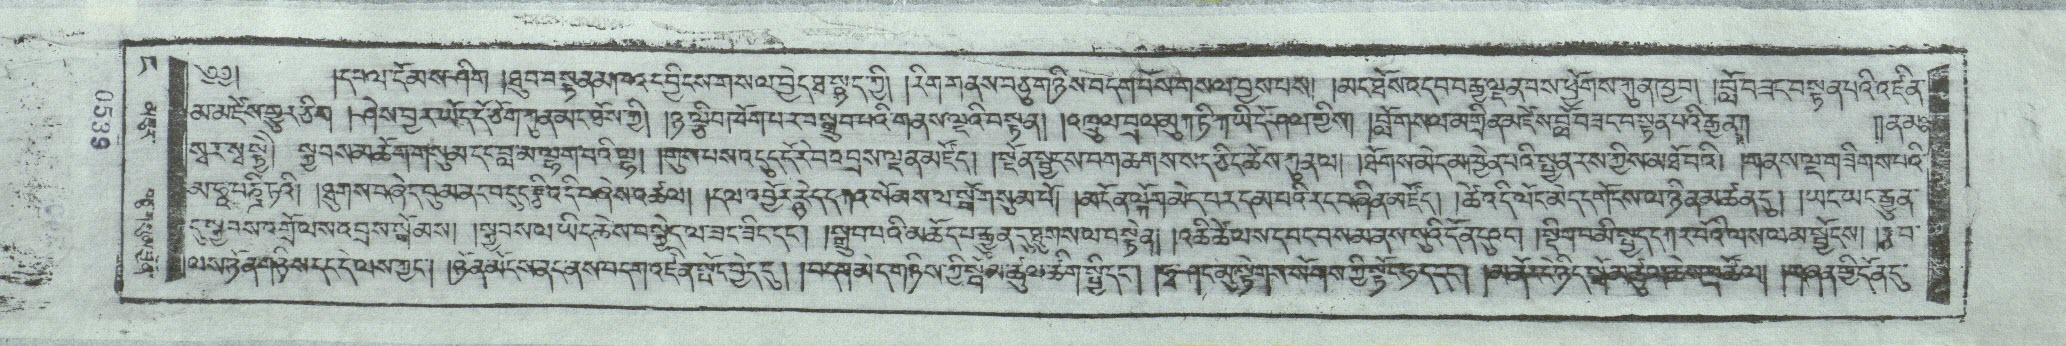༄༅། །དཔལ་ངོམས་ཤིག །ཐུབ་བསྟན་མཁའ་དབྱིངས་གསལ་བྱེད་ཐ་སྙད་ཀྱི། །རིག་གནས་བཅུ་གཉིས་བདག་པོས་གསལ་བྱས་པས། །མང་ཐོས་འདབ་བརྒྱ་ལྡན་བས་ཕྱོགས་ཀུན་ཁྱབ། །བློ་བཟང་བསྟན་པའི་འཛིན་
མ་མཛེས་གྱུར་ཅིག །ཤེས་བྱར་ཡོད་དོ་ཅོག་ཀུན་མང་ཐོས་ཀྱི། །ཉ་ལྕིབ་ཁོག་པར་བསྒྲུབ་པའི་གནས་ལྔའི་བསྟན། །འཁྲུལ་བྲལ་མུག་ཏི་ཀ་ཡི་དོ་ཤལ་གྱིས། །བློ་གསལ་མ་གྲིན་མཛེས་བློ་བཟང་བསྟན་པའི་རྒྱན།། །།ན་མཿ
སྭར་སྭ་སྟྱཻ། སྐྱབས་མཆོག་གསུམ་དང་བླ་མ་ལྷག་པའི་ལྷ། །གུས་པས་འདུད་དོ་རེ་བ་འབྲས་ལྡན་མཛོད། །སྔོན་སྦྱངས་བག་ཆགས་སད?་ཅིང་ཆོས་ཀུན་ལ། །ཐོགས་མེད་མཁྱེན་པའི་སྤྱན་རས་ཀྱིས་མཐོ་བའི། །གནས་ལྔ་གཟིགས་པའི་
མ་ཧཱ་པཎྜི་ཏའི། །ཐུགས་བཞེང་བུམ་ནང?་བདུང་རྩི་འདི་བཞེས་འཚལ། །དལ་འབྱོར་རྙེད་དཀའ་སོམས་ལ་སྒོ་གསུམ་པོ། །མངོན་ལྐོག་མེད་པར་དམ་པའི་རང་བཞིན་མཛོད། །ཚེ་འདི་ལོང་མེད་དགོངས་ལ་ཉིན་མཚན་དུ། །ཡང་ཡང་རྒྱུན་
དུ་སྐྱབས་འགྲོ་ལས་འབྲས་སྒོམས། །སྐྱབས་ལ་ཡིད་ཆེས་བསྐྱེད་ལ་ཟང་ཟིང་དང་། །སྒྲུབ་པའི་མཆོད་པ་རྒྱུན་དུ་ཐུགས་ལ་བསྟེན། །འཆི་ཚེ་ལས་དབང་བསམ་ནས་སུའི་དོན་དུའང་། །སྡིག་པ་མི་སྤྱད་དཀར་པོའི་ལས་ལམ་སྦྱོངས། །རྩ་བ་
ལས་ཉོན་གཉིས་དང་དེ་ལས་ཀྱང་། །ཉོན་མོངས་ནང་ནས་བདག་འཛིན་སྤོང་བྱེད་དུ། །བདག་མེད་གཉིས་ཀྱི་སྒོམ་ཚུལ་ཚིག་སྤྱི་དང་། །ཧྭ་ཤང་མུ་སྟེགས་སོགས་ཀྱི་སྟོང་ཧད་དང་། །མ་ནོར་ངེ་ཉིད་སྒོམ་ཚུལ་ཆེས་ཕྲ་ཚོལ། །གཞན་གྱི་དོན་དུ་